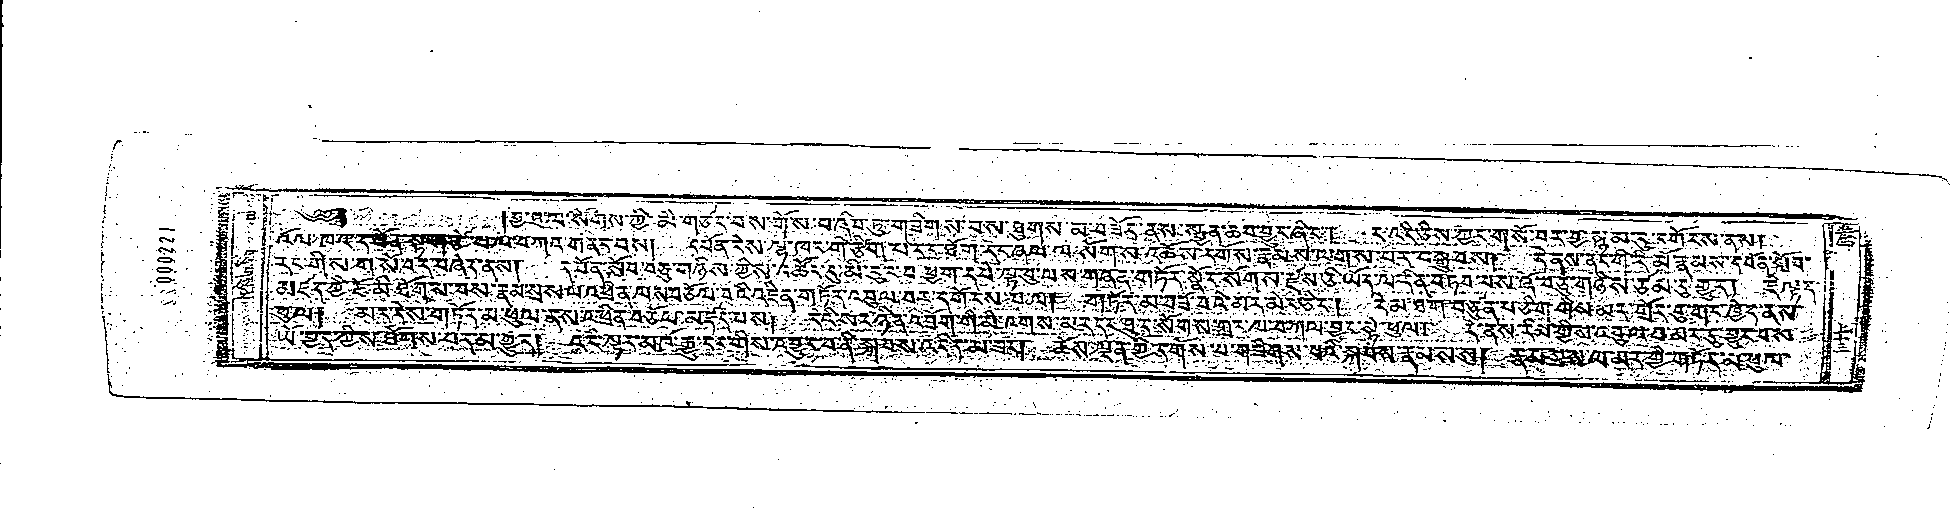༄༅། །བྱ་ཐ་ལ་སོགས་ཀྱི་མི་གཙང་བས་གོས་པ་ཞིབ་ཏུ་གཟིགས་པས་ཐུགས་མ་བཟོད་ནས་སྤྱན་ཆབ་བྱུང་ཞིང་། ང་འདི་ཅིས་ཀྱང་གསོ་བར་བྱ་སྙམ་དུ་དགོངས་ནས།
འོལ་ཁའ་དབོན་སྟག་ཙེ་པ་ལ་བཀའ་གནང་བས། དཔོན་དེས་ལྷ་ཁང་གི་རྩིག་པ་དང་ཐོག་དང་ཞལ་ལ་སོགས་འཆོས་དགོས་རྣམས་ལགས་པར་བསྒྲུབས། དེ་ནས་ནང་གི་རི་མོ་རྣམས་དབོན་སློབ་
རང་གིས་གསོ་བར་བཞེད་ནས། དཔོན་སློབ་བཅུ་གཉིས་ཀྱིས་འཚོང་དུ་མི་རུང་བ་ཕྱག་དཔེ་ལྟ་བུ་ལས་གཞན་གཏོར་སྣོང་སོགས་རྫས་ཅི་ཡོད་ལ་རིན་བཏབ་པས་ཞོ་བཅུ་གཉི་ཙམ་དུ་གྱུར། ཇི་ལྟར་
མཛད་ཀྱི་རྔོ་མི་ཐོགས་བས་རྣམ་སྲས་ལ་འཕྲིན་ལས་བཅོལ་བའི་འཇིན་གཏོར་འབུལ་བར་དགོངས་པ་ལ། གཏོར་མ་བཟོ་བའི་མར་མེད་ཅིང་། དེ་མ་ཐག་བཙུན་པ་ཅིག་གིས་མར་གྲོང་བུ་གང་ཁྱེད་ནས་
ཕུལ། མར་དེས་གཏོར་མ་ཕུལ་ནས་འཕྲིན་བཅོལ་མཛད་པས། དེའི་སར་ཉིན་འབྲོག་གི་མི་འགས་མར་དང་ཐུང་སོགས་གླང་ལ་བཀལ་བྱུང་སྟེ་ཕུལ། དེ་ནས་རིམ་གྱིས་འབུལ་བ་མང་དུ་བྱུང་བས་
ཡོ་བྱད་ཀྱི་ས་ཐོགས་པར་མ་གྱུར། འདི་ལྟར་མཁོ་རྒྱུ་རང་གིས་འབྱུང་བ་ནི་སྐབས་འདིར་མ་ཟད། ཆོས་ལྡན་གྱི་དགོས་པ་གཟིགས་པའི་སྐབས་རྣམས་སུ། རྣམ་སྲས་ལ་མར་གྱི་གཏོར་མ་ཕུལ་